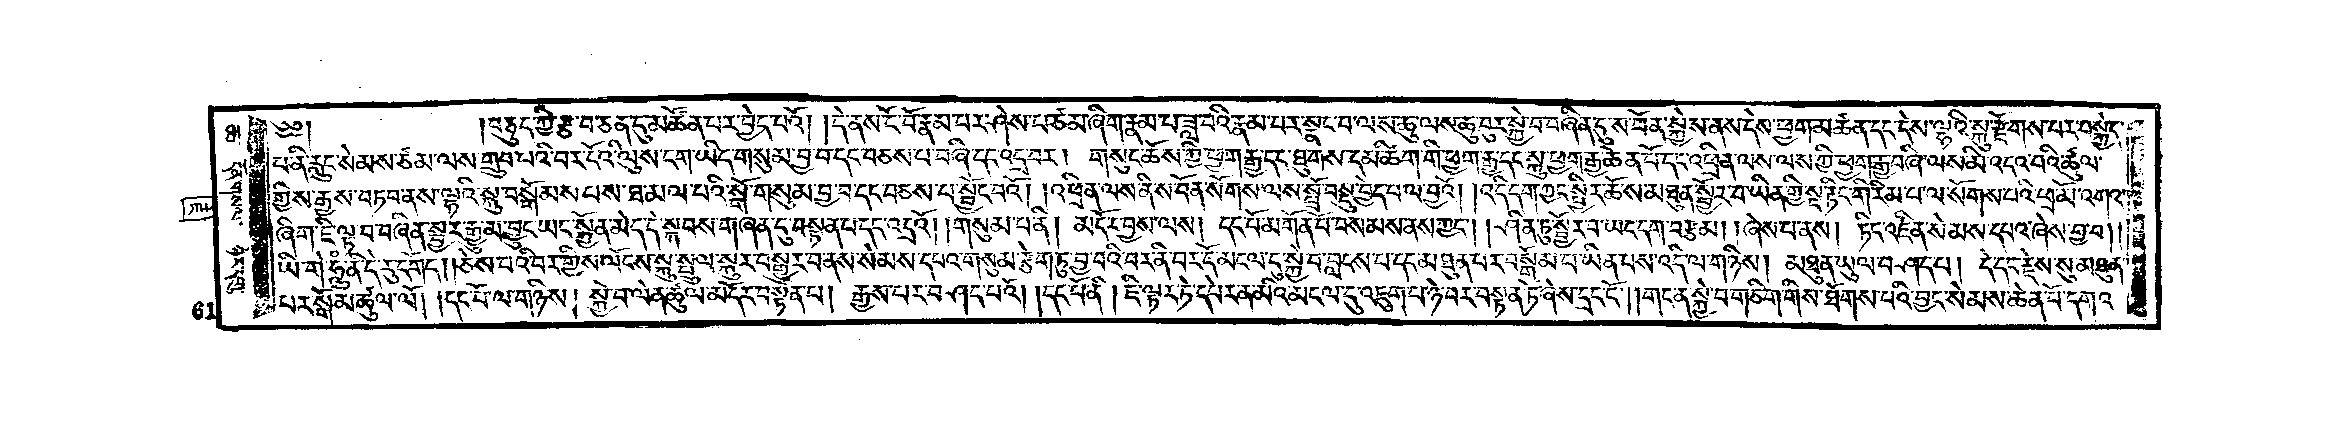༄༅། །བཅུད་ཀྱི་རྩ་བ་ཅན་དུ་མཚོན་པར་བྱེད་པའོ། །དེ་ནས་ངོ་བོ་རྣམ་པར་ཤེས་པ་ཙམ་ཞིག་རྣམ་པ་ཟླ་བའི་རྣམ་པར་སྣང་བ་ལས་ཆུ་ལས་ཆུ་བུར་སྐྱེ་བ་བཞིན་དུ་ས་བོན་སྐྱེས་ནས་དེས་ཕྱག་མཚན་དང་དེས་ལྷའི་སྐུ་རྫོགས་པར་བསྐྱེད་
པ་ནི་རླུང་སེམས་ཙམ་ལས་གྲུབ་པའི་བར་དོའི་ལུས་ངག་ཡིད་གསུམ་བྱ་བ་དང་བཅས་པ་བཞི་དང་འདྲ་བར། གསུང་ཆོས་ཀྱི་ཕྱག་རྒྱ་དང་ཐུགས་དམ་ཚིག་གི་ཕྱག་རྒྱ་དང་སྐུ་ཕྱག་རྒྱ་ཆེན་པོ་དང་འཕྲིན་ལས་ལས་ཀྱི་ཕྱག་རྒྱ་བཞི་ལས་མི་འདའ་བའི་ཚུལ་
གྱིས་རྒྱས་བཏབ་ནས་ལྷའི་སྐུ་བསྒོམས་པས་ཐ་མལ་པའི་སྒོ་གསུམ་བྱ་བ་དང་བཅས་པ་སྦྱོང་བའོ། །འཕྲིན་ལས་ནི་ས་བོན་སོགས་ལས་སྤྲོ་བསྡུ་བྱེད་པ་ལ་བྱའོ། །འདི་དག་ཀྱང་སྤྱིར་ཆོས་མཐུན་སྦྱོར་བ་ཡིན་གྱི་སྔ་རྟིང་གི་རིམ་པ་ལ་སོགས་པའི་ཕྲ་མོ་འགའ་
ཞིག་ཇི་ལྟ་བ་བཞིན་སྦྱར་རྒྱུ་མ་བྱུང་ཡང་སྐྱོན་མེད་དེ་སྐབས་གཞན་དུ་བསྟན་པ་དང་འདྲའོ། །གསུམ་པ་ནི། མདོར་བྱས་ལས། དང་པོ་མགོན་པོ་བསམས་ནས་ཀྱང་། །ཤིན་ཏུ་སྦྱོར་བ་ཡང་དག་བརྩམ། །ཞེས་པ་ནས། ཏིང་འཛིན་སེམས་དཔའ་ཞེས་བྱ་བ།།
ཡི་གེ་ཧཱུཾ་ནི་དེ་རུ་དགོད། །ཅེས་པའི་བར་གྱིས་ལོངས་སྐུ་སྤྲུལ་སྐུར་བསྒྱུར་བ་ནས་སེམས་དཔའ་གསུམ་རྩེག་ཏུ་བྱ་བའི་བར་ནི་བར་དོ་མངལ་དུ་སྐྱེ་བ་བླངས་པ་དང་མཐུན་པར་བསྒོམ་པ་ཡིན་པས་འདི་ལ་གཉིས། མཐུན་ཡུལ་བཤད་པ། དེ་དང་རྗེས་སུ་མཐུན་
པར་སྒོམ་ཚུལ་ལོ། །དང་པོ་ལ་གཉིས། སྐྱེ་བ་ལེན་ཚུལ་མདོར་བསྟན་པ། རྒྱས་པར་བཤད་པའོ། །དང་པོ་ནི། ཇི་ལྟར་ཏེ་དཔེར་ན་མའི་མངལ་དུ་འཇུག་པ་ཉེ་བར་བསྟན་ཏེ་ཞེས་དྲང་ངོ། །གང་ན་སྐྱེ་བ་གཅིག་གིས་ཐོགས་པའི་བྱང་སེམས་ཆེན་པོ་དགའ་